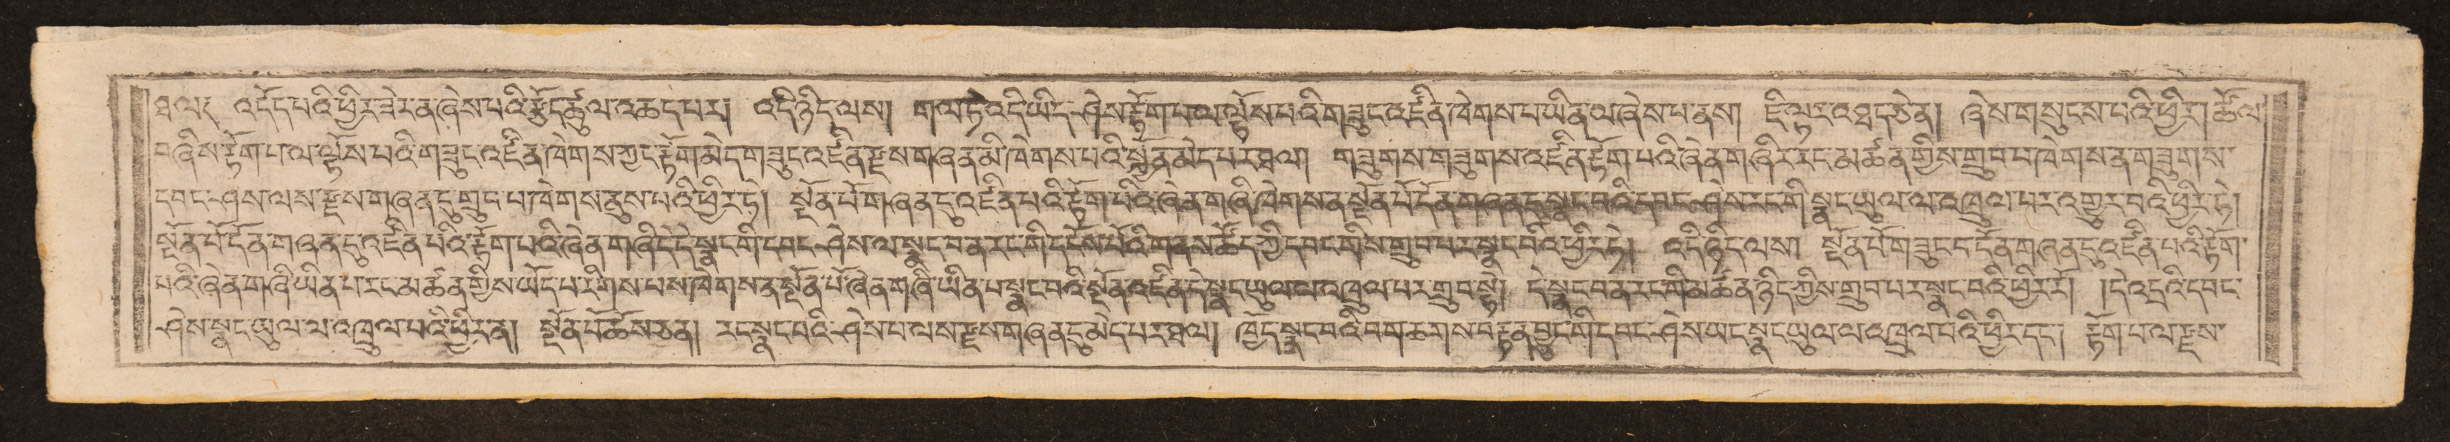ཐལ༑ འདོད་པའི་ཕྱིར་ཟེར་ན་ཞེས་པའི་རྩོད་ཚུལ་འཆད་པར། འདི་ཉིད་ལས། གལ་ཏེ་འདི་ཡིད་ཤེས་རྟོག་པ་ལ་ལྟོས་པའི་གཟུང་འཛིན་ཁེགས་པ་ཡིན་ལ་ཞེས་པ་ནས། ཇི་ལྟར་འཐད་ཅེ་ན། ཞེས་གསུངས་པའི་ཕྱིར། ཚོལ་
བཞིས་རྟོག་པ་ལ་ལྟོས་པའི་གཟུང་འཛིན་ཁེགས་ཀྱང་རྟོག་མེད་གཟུང་འཛིན་རྫས་གཞན་མི་ཁེགས་པའི་སྐྱོན་མེད་པར་ཐལ། གཟུགས་གཟུགས་འཛིན་རྟོག་པའི་ཞེན་གཞིར་རང་མཚན་གྱིས་གྲུབ་པ་ཁེགས་ན་གཟུགས་
དབང་ཤེས་ལས་རྫས་གཞན་དུ་གྲུབ་པ་ཁེགས་ནུས་པའི་ཕྱིར་ཏེ། སྔོན་པོ་གཞན་དུ་འཛིན་པའི་རྟོག་པའི་ཞེན་གཞི་ཁེགས་ན་སྔོན་པོ་དོན་གཞན་དུ་སྣང་བའི་དབང་ཤེས་རང་གི་སྣང་ཡུལ་ལ་འཁྲུལ་པར་འགྱུར་བའི་ཕྱིར་ཏེ།
སྔོན་པོ་དོན་གཞན་དུ་འཛིན་པའི་རྟོག་པའི་ཞེན་གཞི་དེ་དེ་སྣང་གི་དབང་ཤེས་ལ་སྣང་བ་ན་རང་གི་དངོས་པོའི་གནས་ཚོད་ཀྱི་དབང་གིས་གྲུབ་པར་སྣང་བའི་ཕྱིར་ཏེ། འདི་ཉིད་ལས། སྔོན་པོ་གཟུང་བ་དོན་གཞན་དུ་འཛིན་པའི་རྟོག་
པའི་ཞེན་གཞི་ཡིན་པ་རང་མཚན་གྱིས་ཡོད་པ་རིགས་པས་ཁེགས་ན་སྔོན་པོ་ཞེན་གཞི་ཡིན་པ་སྣང་བའི་སྔོན་འཛིན་དེ་སྣང་ཡུལ་ལ་འཁྲུལ་པར་གྲུབ་སྟེ། དེ་སྣང་བ་ན་རང་གི་མཚན་ཉིད་ཀྱིས་གྲུབ་པར་སྣང་བའི་ཕྱིར་རོ། །དེ་འདྲའི་དབང་
ཤེས་སྣང་ཡུལ་ལ་འཁྲུལ་པའི་ཕྱིར་ན། སྔོན་པོ་ཆོས་ཅན། རང་སྣང་བའི་ཤེས་པ་ལས་རྫས་གཞན་དུ་མེད་པར་ཐལ། ཁྱོད་སྣང་བའི་བག་ཆགས་བརྟན་བྱུང་གི་དབང་ཤེས་ཡང་སྣང་ཡུལ་ལ་འཁྲུལ་པའི་ཕྱིར་དང་། རྟོག་པ་ལ་རྫས་